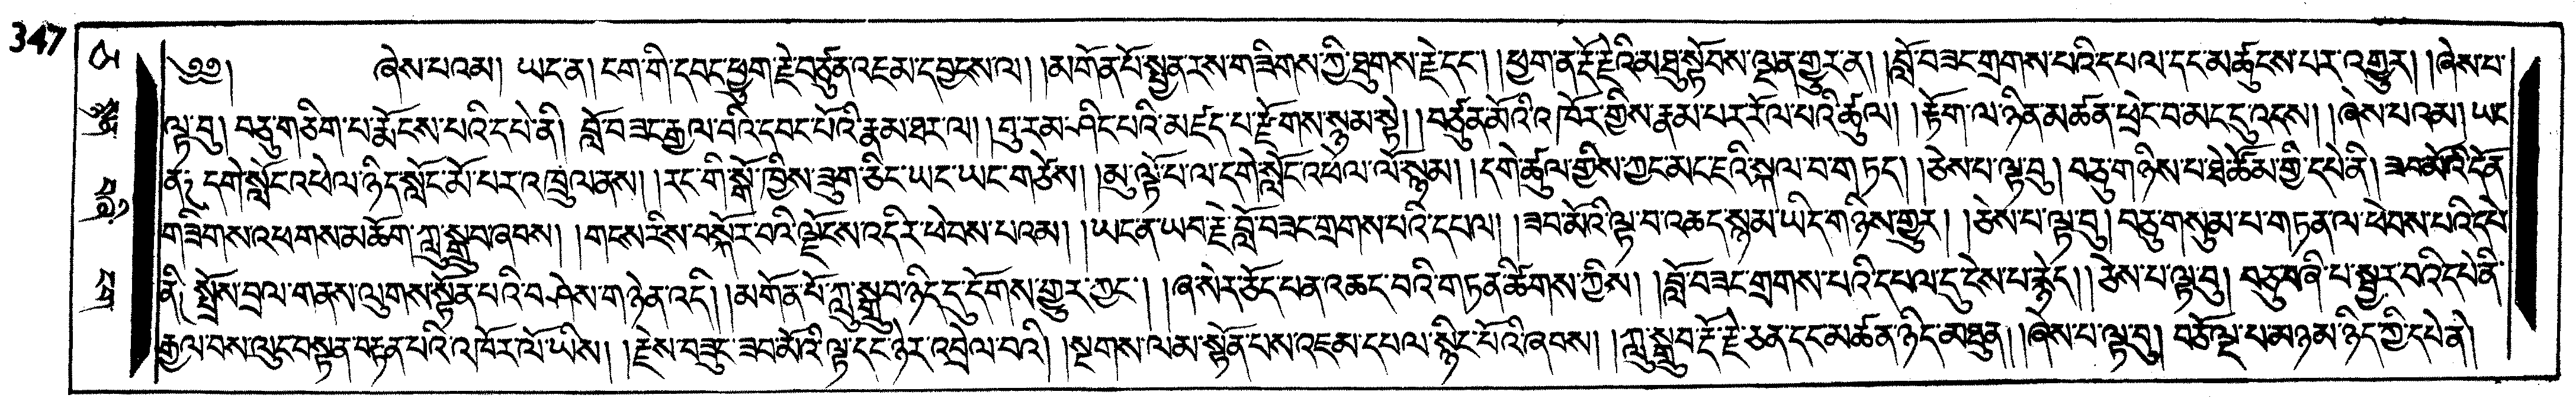༄༅། །ཞེས་པའམ། ཡང་ན། ངག་གི་དབང་ཕྱུག་རྗེ་བཙུན་འཇམ་དབྱངས་ལ། །མགོན་པོ་སྤྱན་རས་གཟིགས་ཀྱི་ཐུགས་རྗེ་དང་། །ཕྱག་ན་རྡོ་རྗེའི་མཐུ་སྟོབས་ལྡན་གྱུར་ན། །བློ་བཟང་གྲགས་པའི་དཔལ་དང་མཚུངས་པར་འགྱུར། །ཞེས་པ་
ལྟ་བུ། བཅུ་གཅིག་པ་རྨོངས་པའི་དཔེ་ནི། བློ་བཟང་རྒྱལ་བའི་དབང་པོའི་རྣམ་ཐར་ལ། །བུ་རམ་ཤིང་པའི་མཛད་པ་རྫོགས་སྙམ་སྟེ། །བཙུན་མོའི་འཁོར་གྱིས་རྣམ་པར་རོལ་པའི་ཚུལ། །རྟོག་ལ་ཉིན་མཚན་ཕྲེང་བ་མང་དུ་འདས། །ཞེས་པའམ། ཡང་
ན༑ དགེ་སློང་འཕེལ་ཉིད་སློང་མོ་པར་འཁྲུལ་ནས། །རང་གི་སྒོ་ཁྱིས་ཟུག་ཅིང་ཡང་ཡང་གཙེས། །མུ་ལྟོ་པ་ལ་དགེ་སློང་འཕེལ་ལོ་སྙམ། །དགེ་ཚུལ་གྱིས་ཀྱང་མང་ཇའི་སྐལ་བ་གཏང་། །ཅེས་པ་ལྟ་བུ། བཅུ་གཉིས་པ་ཐེ་ཚོམ་གྱི་དཔེ་ནི། ཟབ་མོའི་དོན་
གཟིགས་འཕགས་མཆོག་ཀླུ་སྒྲུབ་ཞབས། །གངས་རིས་བསྐོར་བའི་ལྗོངས་འདིར་ཕེབས་པའམ། །ཡང་ན་ཡབ་རྗེ་བློ་བཟང་གྲགས་པའི་དཔལ། །ཟབ་མོའི་ལྟ་བ་འཆད་སྙམ་ཡིད་གཉེས་གྱུར། །ཅེས་པ་ལྟ་བུ། །བཅུ་གསུམ་པ་གཏན་ལ་ཕེབས་པའི་དཔེ་
ནི༑ སྤྲོས་བྲལ་གནས་ལུགས་སྟོན་པའི་བཤེས་གཉེན་འདི། །མགོན་པོ་ཀླུ་སྒྲུབ་ཉིད་དུ་དོགས་གྱུར་ཀྱང་། ཞ་སིར་ཅོད་པན་འཆད་བའི་གཏན་ཚིགས་ཀྱིས། །བློ་བཟང་གྲགས་པའི་དཔལ་དུ་ངེས་པ་རྙེད། །ཅེས་པ་ལྟ་བུ། བཅུ་བཞི་པ་སྦྱར་བའི་དཔེ་ནི་
རྒྱལ་བས་ལུང་བསྟན་བརྟན་པའི་འཁོར་ལོ་ཡིས། །རྗེས་བཟུང་ཟབ་མོའི་ལྟ་དང་ཉེར་འབྲེལ་བའི། །སྔགས་ལམ་སྟོན་པས་འཇམ་དཔལ་སྙིང་པོའི་ཞབས། །ཀླུ་སྒྲུབ་རྡོ་རྗེ་ཅན་དང་མཚན་ཉིད་མཐུན། །ཞེས་པ་ལྟ་བུ། །བཅོ་ལྔ་པ་མཉམ་ཉིད་ཀྱི་དཔེ་ནི།